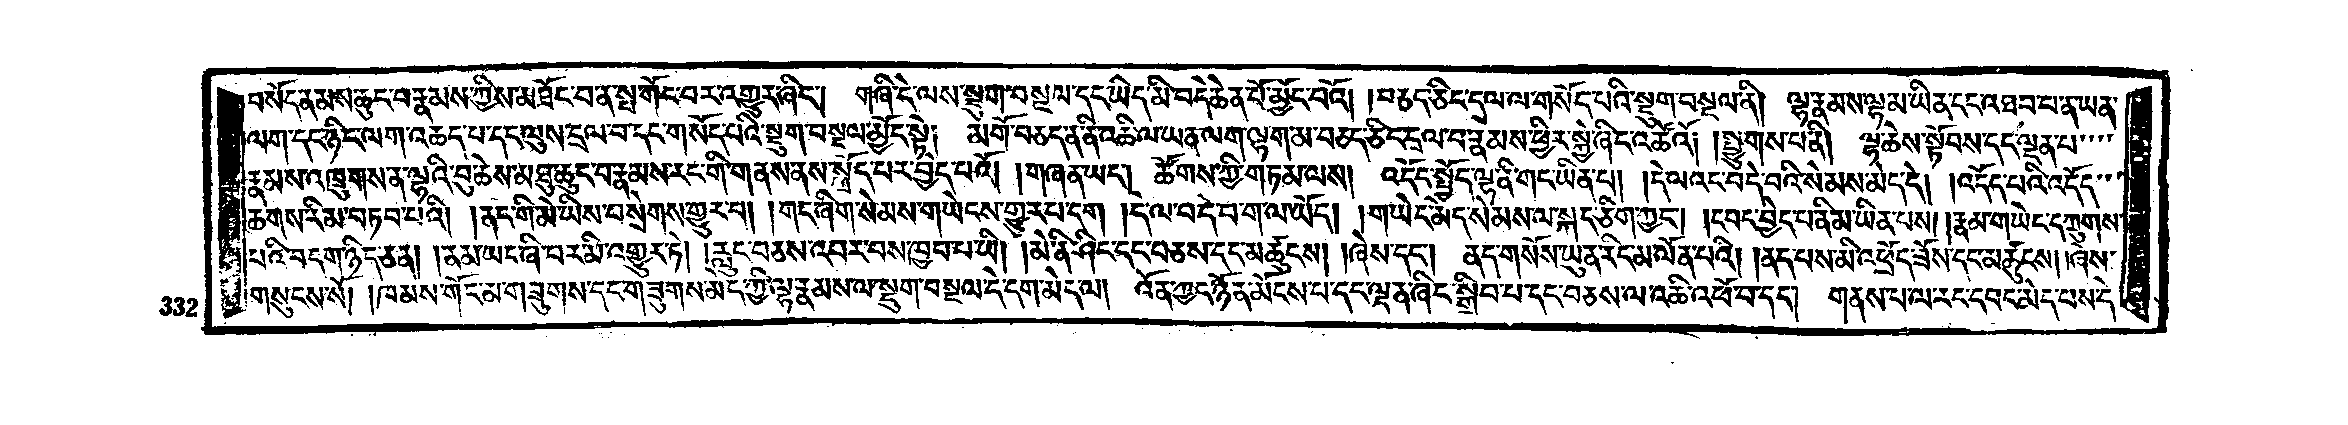བསོད་ནམས་ཆུང་བ་རྣམས་ཀྱིས་མཐོང་བ་ན་སྤ་གོང་བར་འགྱུར་ཞིང་། གཞི་དེ་ལས་སྡུག་བསྔལ་དང་ཡིད་མི་བདེ་ཆེན་པོ་མྱོང་བའོ། །བཅད་ཅིང་དྲལ་ལ་གསོད་པའི་སྡུག་བསྔལ་ནི། ལྷ་རྣམས་ལྷ་མ་ཡིན་དང་འཐབ་པ་ན་ཡན་
ལག་དང་ཉིད་ལག་འཆད་པ་དང་ལུས་དྲལ་བ་དང་གསོད་པའི་སྡུག་བསྔལ་མྱོང་སྟེ། མགོ་བཅད་ན་ནི་འཆི་ལ་ཡན་ལག་ལྷག་མ་བཅད་ཅིང་དྲལ་བ་རྣམས་ཕྱིར་སྐྱེ་ཞིང་འཚོའོ། །སྤྱུགས་པ་ནི། ལྷ་ཆེས་སྟོབས་དང་ལྡན་པ་
རྣམས་འཁྲུགས་ན་ལྷའི་བུ་ཆེས་མཐུ་ཆུང་བ་རྣམས་རང་གི་གནས་ནས་སྐྲོད་པར་བྱེད་པའོ། །གཞན་ཡང་། ཚོགས་ཀྱི་གཏམ་ལས། འདོད་སྤྱོད་ལྷ་ནི་གང་ཡིན་པ། །དེ་ལའང་བདེ་བའི་སེམས་མེད་དེ། །འདོད་པའི་འདོད་
ཆགས་རིམ་བཏབ་པའི། །ནང་གི་མེ་ཡིས་བསྲེགས་གྱུར་པ། །གང་ཞིག་སེམས་གཡེངས་གྱུར་པ་དག །དེ་ལ་བདེ་བ་ག་ལ་ཡོད། །གཡེང་མེད་སེམས་ལ་སྐད་ཅིག་ཀྱང་། །དབང་བྱེད་པ་ནི་མ་ཡིན་པས། །རྣམ་གཡེང་དཀྲུགས་
པའི་བདག་ཉིད་ཅན། །ནམ་ཡང་ཞི་བར་མི་འགྱུར་ཏེ། །རླུང་བཅས་འབར་བས་ཁྱབ་པ་ཡི། །མེ་ནི་ཤིང་དང་བཅས་དང་མཚུངས། །ཞེས་དང་། ནད་གསོས་ཡུན་རིང་མ་ལོན་པའི། །ནད་པས་མི་འཕྲོད་ཟོས་དང་མཚུངས། །ཞེས་
གསུངས་སོ། །ཁམས་གོང་མ་གཟུགས་དང་གཟུགས་མེད་ཀྱི་ལྷ་རྣམས་ལ་སྡུག་བསྔལ་དེ་དག་མེད་ལ། འོན་ཀྱང་ཉོན་མོངས་པ་དང་ལྡན་ཞིང་སྒྲིབ་པ་དང་བཅས་ལ་འཆི་འཕོ་བ་དང་། གནས་པ་ལ་རང་དབང་མེད་པས་དེ་